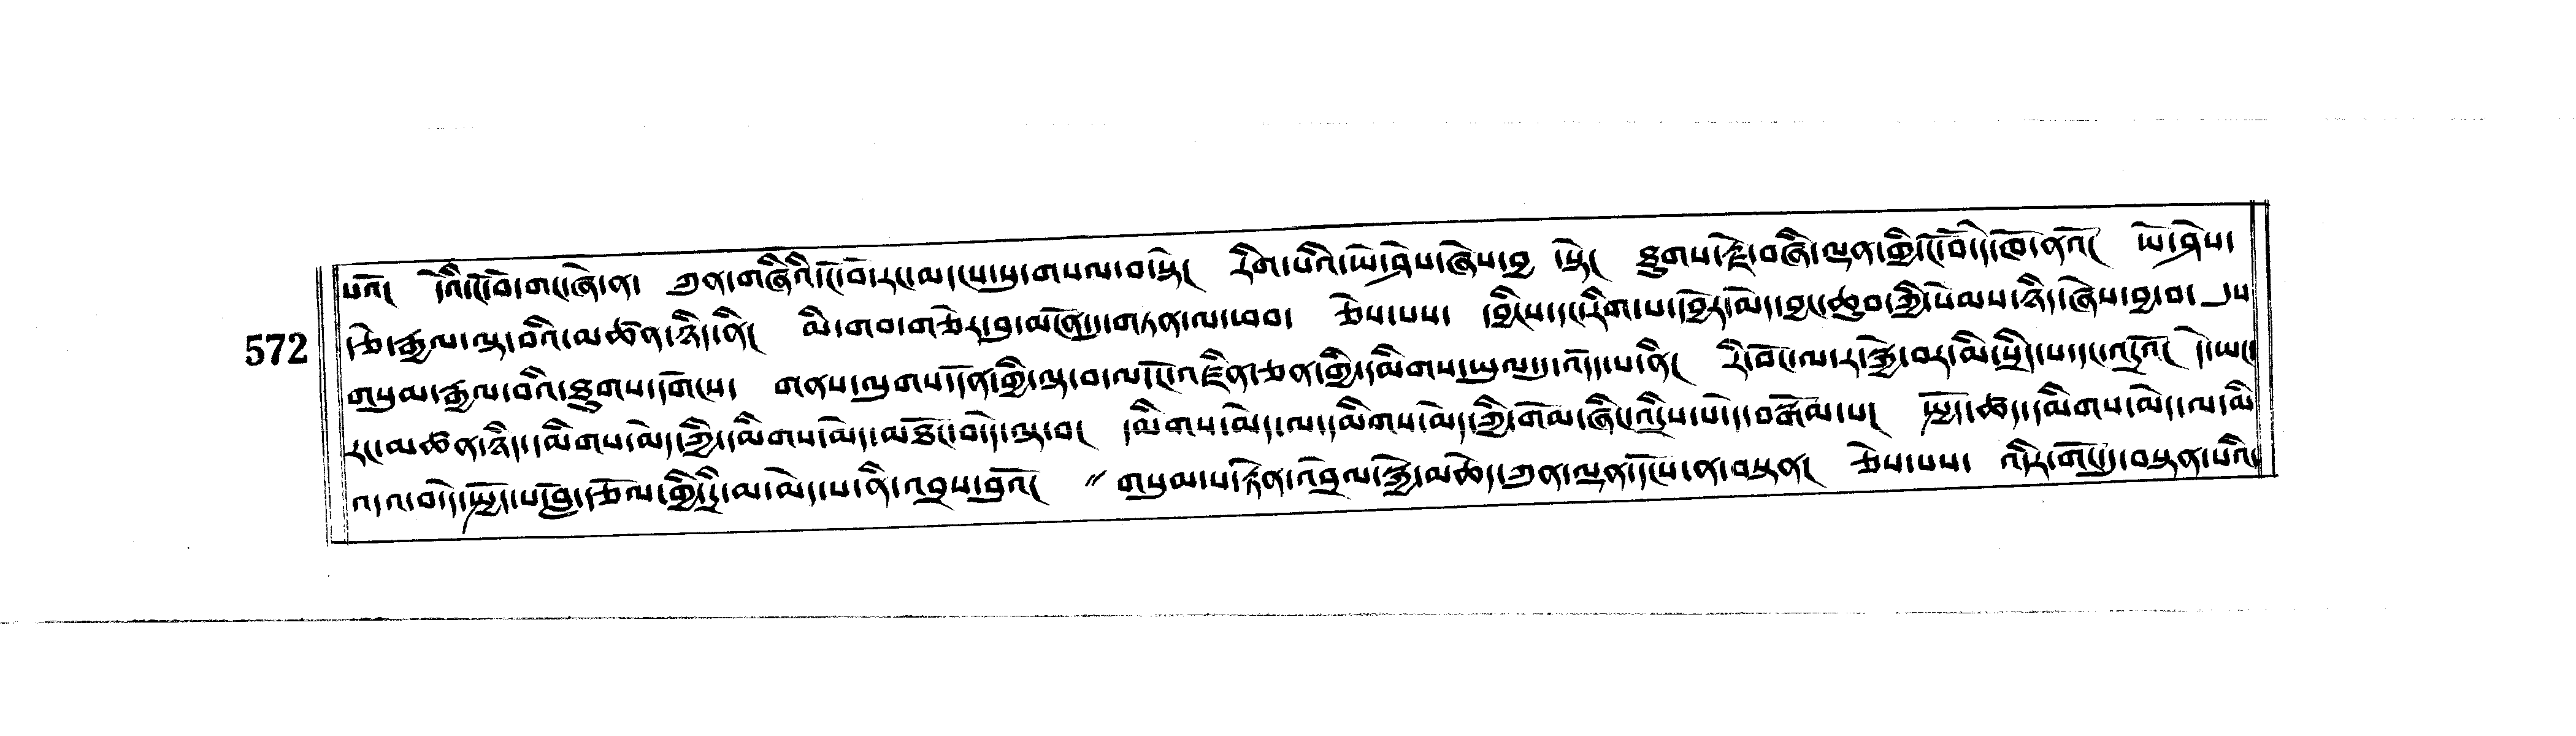པའོ། དེའི་ངོ་བོ་གང་ཞེ་ན། ཀུན་གཞིའི་ངོ་བོ་རང་མདངས་སུ་གསལ་བ་སྟེ། རིག་པའི་ཡེ་ཤེས་ཞེས་བྱ་སྟེ། ཐུགས་རྗེ་བཞི་ལྡན་གྱི་ངོ་བོ་དེ་ཁོ་ན་འོ། ཡེ་ཤེས་
རྩེ་རྒྱལ་ལྟ་བའི་མཚན་ཉིད་ནི། མི་གབ་གཅེར་བུ་མངོན་དུ་གཏན་ལ་ཕབ། ཅེས་པས། དབྱིངས་དང་རིག་པ་དབྱེར་མེད་བྱང་ཆུབ་ཀྱི་སེམས་ཉིད་ཞེས་བྱ་བ། དུས་
གསུམ་རྒྱལ་བའི་ཐུགས་དགོངས། གནས་ལུགས་དོན་གྱི་ལྟ་བ་ལ་ངོས་འཛིན་ཅན་གྱི་དམིགས་ཡུལ་དུ་འདོད་པ་ནི། རི་བོང་ལ་རྭ་སྐྱེ་བར་མི་སྲིད་པ་དང་འདྲའོ། དེ་ཡང་
རང་མཚན་ཉིད་དམིགས་མེད་ཀྱི་དམིགས་མེད་མཐོང་བ་དེ་ལྟ་བ། དམིགས་མེད་ལ་དམིགས་ཀྱིས་གོམས་ཤིང་འདྲིས་པ་དེ་སྒོམ་པ། སྤྱོད་ཚད་དམིགས་མེད་ལ་མི་
འདའ་བ་དེ། སྤྱོད་པ་བློ་རྩོལ་གྱི་དྲི་མ་མེད་པ་དེ་འབྲས་བུའོ། ༧ གསུམ་པ་རྟེན་འབྲེལ་སྐྱེ་མཆེད་ཀུན་ལྡན་དངོས་ན་བསྟན། ཅེས་པས། འདིར་གོང་དུ་བསྟན་པའི་